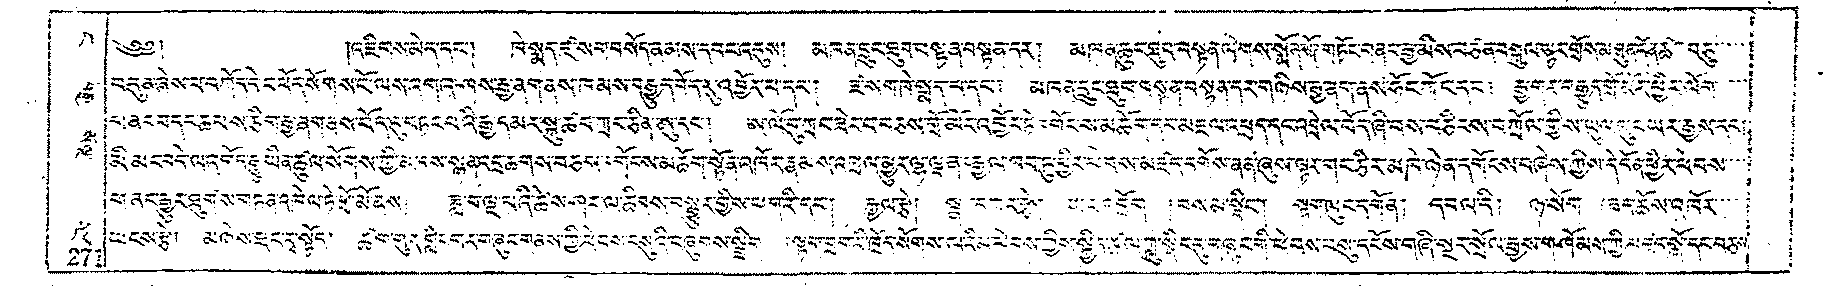༄༅། །འཇིགས་མེད་དང་། ཁེ་སྨད་ཛ་སག་བསོད་ནམས་དབང་འདུས། མཁན་དྲུང་ཐུབ་བསྟན་བསྟན་དར། མཁན་ཆུང་ཐུབ་བསྟན་ལེགས་སྨོན་སོགས་གཏོང་གནང་རྒྱ་མིས་བཙན་བསྐུལ་ལྟར་གྲོས་མཐུན་དོན་ཚན་བཅུ་
བདུན་ཞེས་པ་བཀོད་དེ་ང་ཕོད་སོགས་ངོ་ལས་འགའ་ཤས་རྒྱ་ནག་ནས་ཁམས་བརྒྱུད་བོད་དུ་འབྱོར་པ་དང་། ཛ་སག་ཁེ་སྨད་པ་དང་། མཁན་དྲུང་ཐུབ་བསྟན་བསྟན་དར་གཉིས་རྒྱ་ནག་ནས་ཧོང་ཀོང་དང་། རྒྱ་གར་བརྒྱུད་གྲོ་མོར་ཕྱིར་ལོག་
གནང་བ་དང་ཆབས་ཅིག་རྒྱ་ནག་ནས་བོད་དུ་བཏང་བའི་རྒྱ་དམར་སྐུ་ཚབ་ཀྲང་ཅིན་ཨུ་དང་། ཨ་ལོ་བུ་ཀྲང་ཟེར་བ་བཅས་གྲོ་མོར་འབྱོར་ཏེ་༧གོང་ས་མཆོག་དང་མཇལ་འཕྲད་དང་འབྲེལ་བོད་ཞི་བས་བཅིངས་བཀྲོལ་གྱིས་ཡུལ་ལུང་ཡར་རྒྱས་དང་།
མི་མང་བདེ་ལ་འགོད་རྒྱུ་ཡིན་ཚུལ་སོགས་ཀྱི་མཁས་སྙན་འདྲ་ཆགས་བཅས་༧གོང་ས་མཆོག་སྟོན་འཁོར་རྣམས་འཕྲལ་མྱུར་ལྷ་ལྡན་༧རྒྱལ་ཁབ་ཏུ་ཕྱིར་ཕེབས་མཛད་དགོས་ནན་ཞུས་ལྟར་གང་ཅིར་མཁེ་ཉེན་དགོངས་བཞེས་ཀྱིས་དེ་དོན་ཕྱིར་ཕེབས་
གནང་རྒྱུར་ཐུགས་གཏན་འཁེལ་ཏེ་གྲོ་མོ་ནས། ཟླ་བ་ལྔ་པའི་ཚེས་ཤར་ལ་ཆིབས་བསྒྱུར་གྱིས་ཕག་རི་དང་། རྒྱལ་རྩེ། སྣ་དཀར་རྩེ། ཡར་འབྲོག །བསམ་སྡིང་། སྟག་ལུང་དགོན། དཔལ་དི། ཉ་སོག །ཟད་ཆོས་འཁོར་
ཡངས་རྩེ། མཉེས་ཐང་རྭ་སྟོད། ཚག་གུར་གླིང་གར་གཞུང་གནས་ཀྱི་ཕེབས་བསུའི་བཞུགས་སྒྲིག །སྟག་བྲག་རི་ཁྲོད་སོགས་ལ་རིམ་ཕེབས་ཀྱིས་སྐྱིད་ཚལ་ཀླུ་སྡིང་དུ་གཞུང་གི་ཕེབས་བསུ་དངོས་གཞི་སྔར་སྲོལ་རྒྱས་གཤོམས་ཀྱི་མཛད་སྒོ་དང་བཅས་